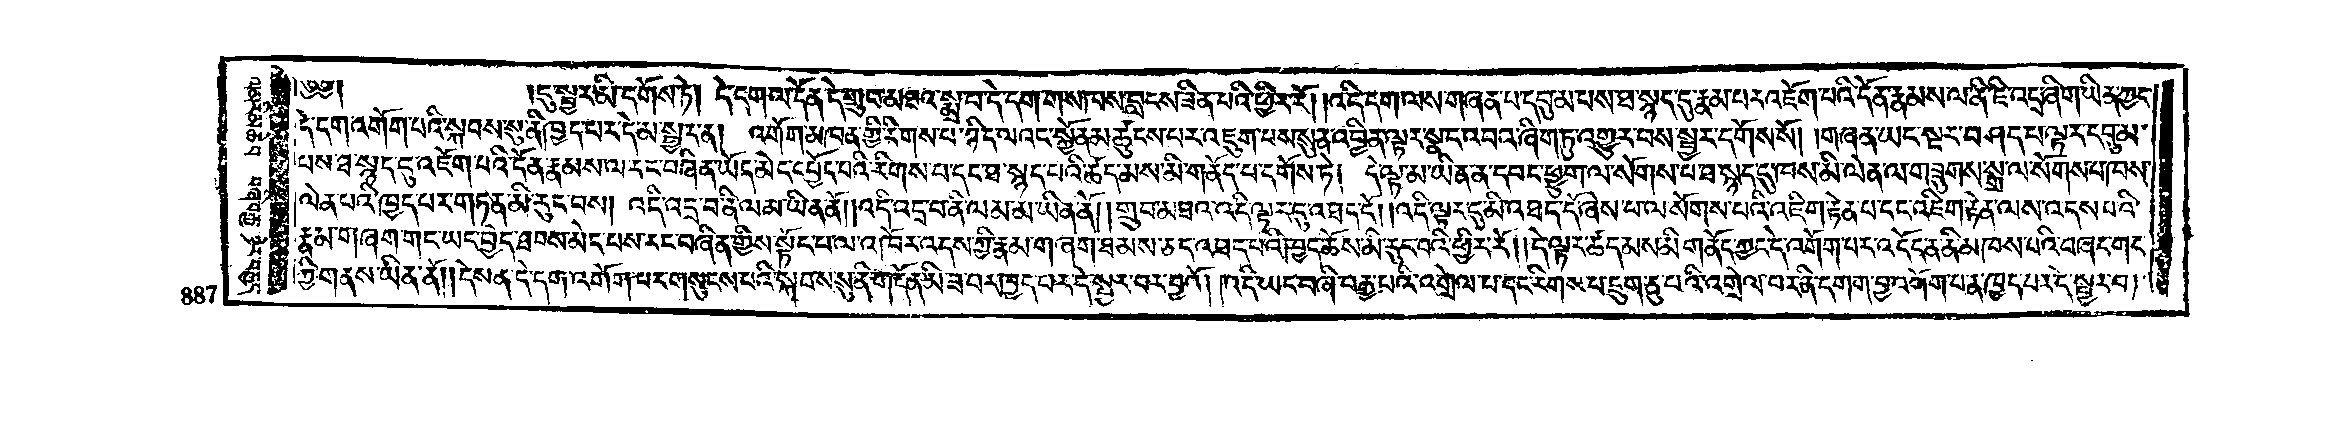༄༅། །དུ་སྦྱར་མི་དགོས་ཏེ། དེ་དག་ལ་དོན་དེ་གྲུབ་མཐའ་སྨྲ་བ་དེ་དག་གིས་ཁས་བླངས་ཟིན་པའི་ཕྱིར་རོ། །འདི་དག་ལས་གཞན་པ་དབུ་མ་པས་ཐ་སྙད་དུ་རྣམ་པར་འཇོག་པའི་དོན་རྣམས་ལ་ནི་ཇི་འདྲ་ཞིག་ཡིན་ཀྱང་
དེ་དག་འགོག་པའི་སྐབས་སུ་ནི་ཁྱད་པར་དེ་མ་སྦྱར་ན། འགོག་མཁན་གྱི་རིགས་པ་ཉིད་ལའང་སྐྱོན་མཚུངས་པར་འཇུག་པས་སུན་འབྱིན་ལྟར་སྣང་འབའ་ཞིག་ཏུ་འགྱུར་བས་སྦྱར་དགོས་སོ། །གཞན་ཡང་སྔར་བཤད་པ་ལྟར་དབུ་མ་
པས་ཐ་སྙད་དུ་འཇོག་པའི་དོན་རྣམས་ལ་རང་བཞིན་ཡོད་མེད་དཔྱོད་པའི་རིགས་པ་དང་ཐ་སྙད་པའི་ཚད་མས་མི་གནོད་པ་དགོས་ཏེ། དེ་ལྟ་མ་ཡིན་ན་དབང་ཕྱུག་ལ་སོགས་པ་ཐ་སྙད་དུ་ཁས་མི་ལེན་ལ་གཟུགས་སྒྲ་ལ་སོགས་པ་ཁས་
ལེན་པའི་ཁྱད་པར་གཏན་མི་རུང་བས། འདི་འདྲ་བ་ནི་ལམ་ཡིན་ནོ། །འདི་འདྲ་བ་ནི་ལམ་མ་ཡིན་ནོ། །གྲུབ་མཐའ་འདི་ལྟར་དུ་འཐད་དོ། །འདི་ལྟར་དུ་མི་འཐད་དོ་ཞེས་པ་ལ་སོགས་པའི་འཇིག་རྟེན་པ་དང་འཇིག་རྟེན་ལས་འདས་པའི་
རྣམ་གཞག་གང་ཡང་བྱེད་ཐབས་མེད་པས་རང་བཞིན་གྱིས་སྟོང་པ་ལ་འཁོར་འདས་ཀྱི་རྣམ་གཞག་ཐམས་ཅད་འཐད་པའི་ཁྱད་ཆོས་མི་རུང་བའི་ཕྱིར་རོ། །དེ་ལྟར་ཚད་མས་མི་གནོད་ཀྱང་དེ་འགོག་པར་འདོད་ན་ནི་མཁས་པའི་བཞད་གད་
ཀྱི་གནས་ཡིན་ནོ། །དེས་ན་དེ་དག་འགོག་པར་གསུངས་པའི་སྐབས་སུ་ནི་གདོན་མི་ཟ་བར་ཁྱད་པར་དེ་སྦྱར་བར་བྱའོ། །འདི་ཡང་བཞི་བརྒྱ་པའི་འགྲེལ་པ་དང་རིགས་པ་དྲུག་ཅུ་པའི་འགྲེལ་པར་ནི་དགག་བྱ་འགོག་པ་ན་ཁྱད་པར་དེ་སྦྱར་བ་